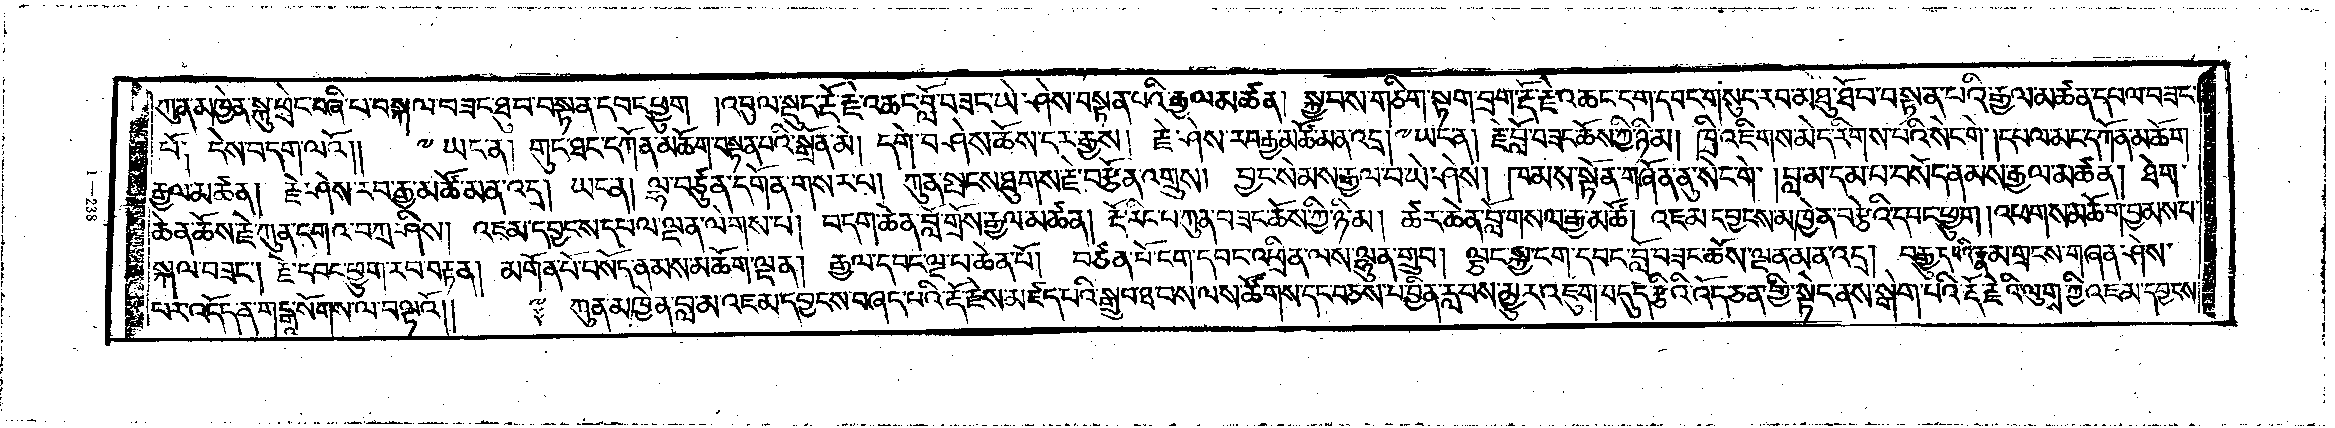ཀུན་མཁྱེན་སྐུ་ཕྲེང་བཞི་པ་བསྐལ་བཟང་ཐུབ་བསྟན་དབང་ཕྱུག །འབུལ་སྡུད་རྡོ་རྗེ་འཆང་བློ་བཟང་ཡེ་ཤེས་བསྟན་པའི་རྒྱལ་མཚན། སྐྱབས་གཅིག་སྟག་བྲག་རྡོ་རྗེ་འཆང་ངག་དབང་གསུང་རབ་མཐུ་ཐོབ་བསྟན་པའི་རྒྱལ་མཚན་དཔལ་བཟང་
པོ༑ དེས་བདག་ལའོ།། ༧ཡང་ན། གུང་ཐང་དཀོན་མཆོག་བསྟན་པའི་སྒྲོན་མེ། དགེ་བཤེས་ཆོས་དར་རྒྱས། རྗེ་ཤེས་རབ་རྒྱ་མཚོ་མན་འདྲ། ༧ཡང་ན། རྗེ་བློ་བཟང་ཆོས་ཀྱི་ཉི་མ། ཁྲི་འཇིགས་མེད་རིགས་པའི་སེང་གེ །དཔལ་མང་དཀོན་མཆོག་
རྒྱལ་མཚན། རྗེ་ཤེས་རབ་རྒྱ་མཚོ་མན་འདྲ། ཡང་ན། ལྷ་བཙུན་དགོན་གསར་པ། ཀུན་སྤངས་ཐུགས་རྗེ་བརྩོན་འགྲུས། བྱང་སེམས་རྒྱལ་བ་ཡེ་ཤེས། ཁམས་སྟོན་གཞོན་ནུ་སེང་གེ །བླ་མ་དམ་པ་བསོད་ནམས་རྒྱལ་མཚན། ཐེག་
ཆེན་ཆོས་རྗེ་ཀུན་དགའ་བཀྲ་ཤིས། འཇམ་དབྱངས་དཔལ་ལྡན་ལེགས་པ། བདག་ཆེན་བློ་གྲོས་རྒྱལ་མཚན། རྡོ་རིང་པ་ཀུན་བཟང་ཆོས་ཀྱི་ཉི་མ། ཚར་ཆེན་བློ་གསལ་རྒྱ་མཚོ། འཇམ་དབྱངས་མཁྱེན་བརྩེའི་དབང་ཕྱུག །འཕགས་མཆོག་བྱམས་པ་
སྐལ་བཟང་། རྗེ་དབང་ཕྱུག་རབ་བརྟན། མགོན་པོ་བསོད་ནམས་མཆོག་ལྡན། རྒྱལ་དབང་ལྔ་པ་ཆེན་པོ། བཙན་པོ་ངག་དབང་འཕྲིན་ལས་ལྷུན་གྲུབ། ལྕང་སྐྱ་ངག་དབང་བློ་བཟང་ཆོས་ལྡན་མན་འདྲ། བརྒྱུད་པའི་རྣམ་གྲངས་གཞན་ཤེས་
པར་འདོད་ན་གངྒཱ་སོགས་ལ་བལྟའོ།། འ་ཀུན་མཁྱེན་བླ་མ་འཇམ་དབྱངས་བཞད་པའི་རྡོ་རྗེས་མཛད་པའི་སྒྲུབ་ཐབས་ལས་ཚོགས་དང་བཅས་པ་བྱིན་རླབས་མྱུར་འཇུག་བདུད་རྩིའི་འོད་ཅན་གྱི་སྟེང་ནས་སྒེག་པའི་རྡོ་རྗེའི་ལུགས་ཀྱི་འཇམ་དབྱངས་